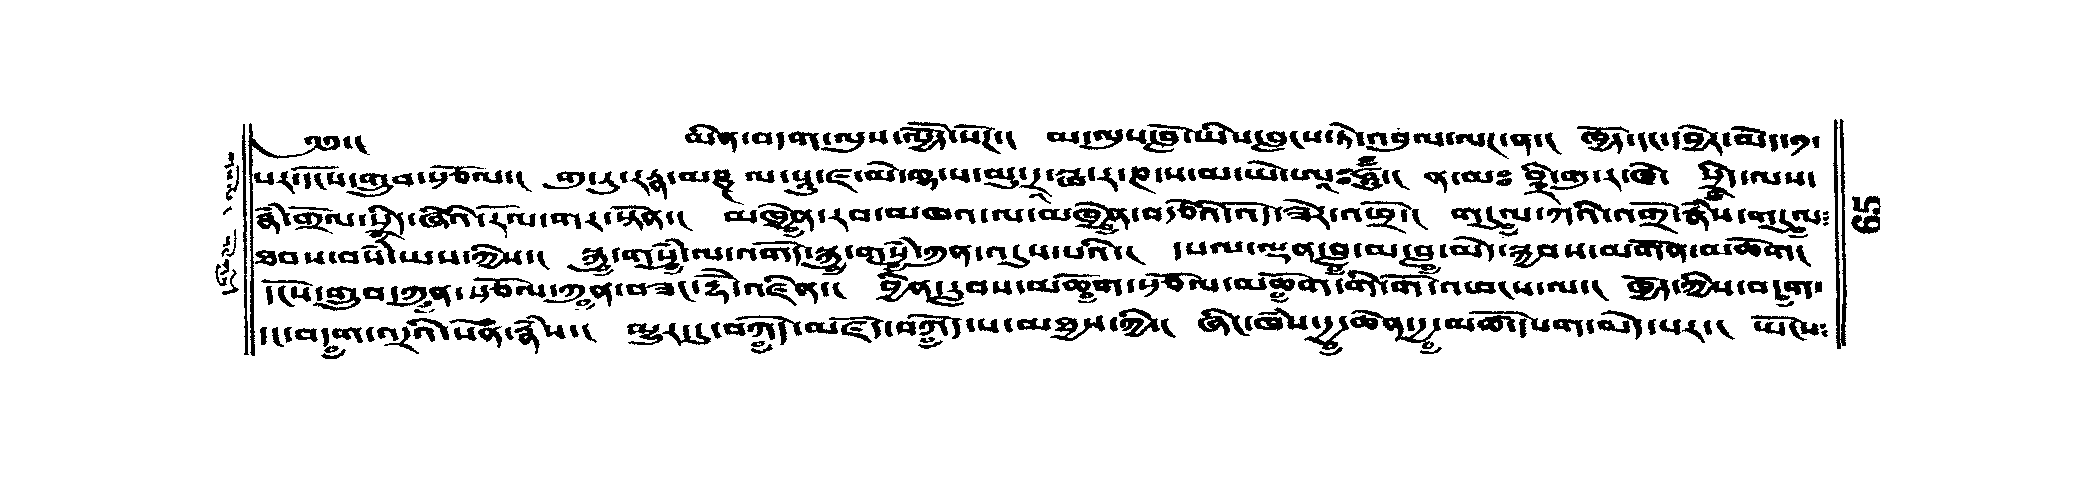མིན་བདག་ལུས་ལོངས་སྤྱོད་སོགས། །མ་ལུས་བློ་ཡིས་བླངས་ཏེ་འབུལ་ལགས་ན། །ཁྱོད་དང་དབྱེར་མེད་གཅིག་
པར་དངོས་གྲུབ་སྩོལ། །གུ་རུ་རཏྣ་མཎྜལ་ལ་པཱུ་ཛ་མེ་གྷ་ས་མུ་དྲཱ་སྥ་ར་ཎ་ས་མ་ཡེ་ཨཱཿཧཱུྃ།ན་མཿཤྲི་གུ་ར་ཝེ། སྲིད་ལས་
རྣམ་གྲོལ་སྲིད་ཞིའི་རོལ་གར་སྟོན། །མཁྱེན་རབ་མཁའ་ལ་མཁྱེན་བརྩེའི་འོད་ཟེར་འཕྲོ། །གདུལ་ཀའི་འགྲོ་རྣམས་གདུལ་
ཐབས་བསམ་ཡས་ཀྱིས། །སྐུ་གསུམ་ལ་འགོད་སྐུ་གསུམ་ཀུན་འདུས་པའི། །དཔལ་ལྡན་བླ་མ་བླ་མེད་སྐྱབས་མགོན་མཆོག །
དངོས་གྲུབ་ཀུན་སྩོལ་ཀུན་བཟང་རྡོ་རྗེ་འཛིན། །བྱིན་རླབས་མཆོག་སྩོལ་མཆོག་གི་གོ་འཕང་ལ། །ཁྱོད་ཀྱིས་བདག་
དང་བདག་འདྲའི་སེམས་ཅན་རྣམས། །མྱུར་དུ་བཀོད་མཛོད་བཀོད་པ་མཐའ་ཡས་ཀྱི། །ཞིང་ཁམས་རྒྱ་ཆེན་རྒྱ་མཚོ་དཔག་མེད་པར། །ཡོངས་